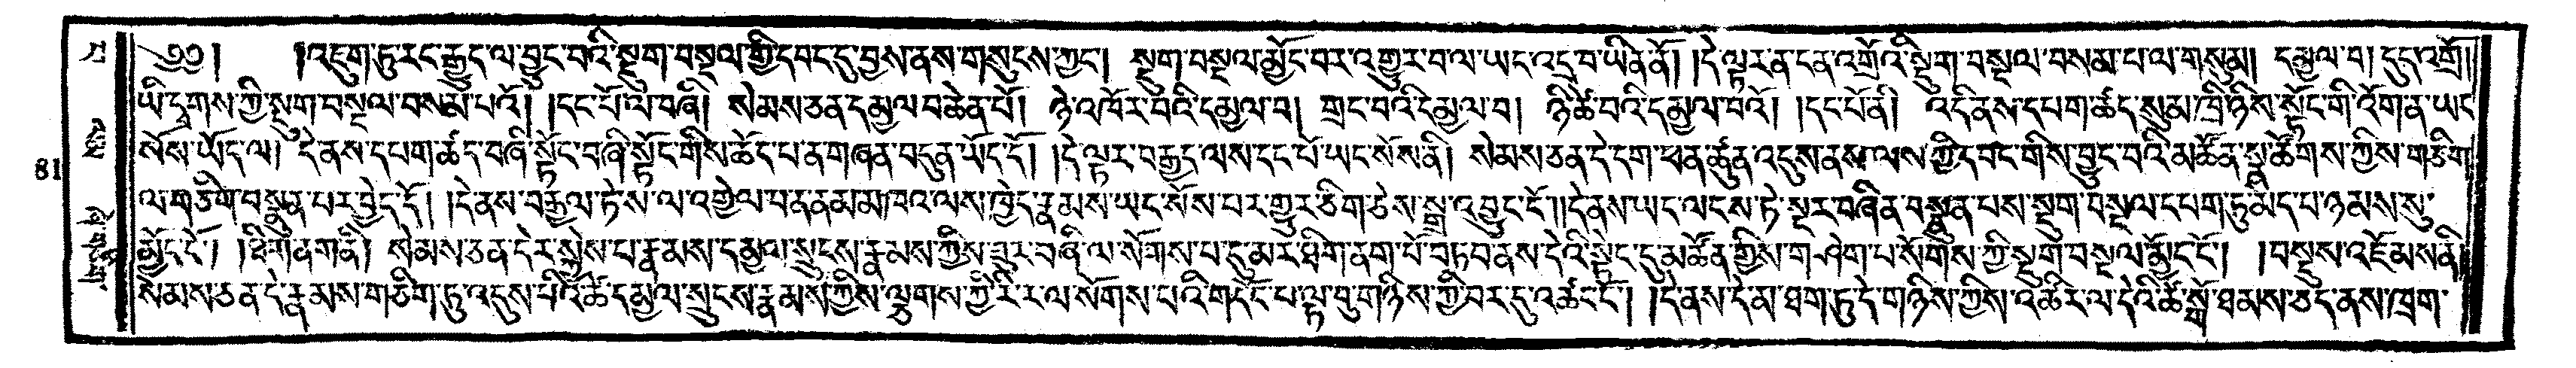༄༅། །འཇུག་ཏུ་རང་རྒྱུད་ལ་བྱུང་བའི་སྡུག་བསྔལ་གྱི་དབང་དུ་བྱས་ནས་གསུངས་ཀྱང་། སྡུག་བསྔལ་མྱོང་བར་འགྱུར་བ་ལ་ཡང་འདྲ་བ་ཡིན་ནོ། །དེ་ལྟར་ན་ངན་འགྲོའི་སྡུག་བསྔལ་བསམ་པ་ལ་གསུམ། དམྱལ་བ། དུད་འགྲོ།
ཡི་དྭགས་ཀྱི་སྡུག་བསྔལ་བསམ་པའོ། །དང་པོ་ལ་བཞི། སེམས་ཅན་དམྱལ་བ་ཆེན་པོ། ཉེ་འཁོར་བའི་དམྱལ་བ། གྲང་བའི་དམྱལ་བ། ཉི་ཚེ་བའི་དམྱལ་བའོ། །དང་པོ་ནི། འདི་ནས་དཔག་ཚད་སུམ་ཁྲི་ཉིས་སྟོང་གི་འོག་ན་ཡང་
སོས་ཡོད་ལ། དེ་ནས་དཔག་ཚད་བཞི་སྟོང་བཞི་སྟོང་གིས་ཆོད་པ་ན་གཞན་བདུན་ཡོད་དོ། །དེ་ལྟར་བརྒྱད་ལས་དང་པོ་ཡང་སོས་ནི། སེམས་ཅན་དེ་དག་ཕན་ཚུན་འདུས་ནས་ལས་ཀྱི་དབང་གིས་བྱུང་བའི་མཚོན་སྣ་ཚོགས་ཀྱིས་གཅིག་
ལ་གཅིག་བསྣུན་པར་བྱེད་དོ། །དེ་ནས་བརྒྱལ་ཏེ་ས་ལ་འགྱེལ་པ་ན་ནམ་མཁའ་ལས་ཁྱེད་རྣམས་ཡང་སོས་པར་གྱུར་ཅིག་ཅེས་སྒྲ་འབྱུང་ངོ ། །དེ་ནས་ཡང་ལངས་ཏེ་སྔར་བཞིན་བསྣུན་པས་སྡུག་བསྔལ་དཔག་ཏུ་མེད་པ་ཉམས་སུ་
མྱོང་ངོ ། །ཐིག་ནག་ནི། སེམས་ཅན་དེར་སྐྱེས་པ་རྣམས་དམྱལ་སྲུངས་རྣམས་ཀྱིས་ཟུར་བཞི་ལ་སོགས་པ་དུ་མར་ཐིག་ནག་པོ་བཏབ་ནས་དེའི་སྟེང་དུ་མཚོན་གྱིས་གཤེག་པ་སོགས་ཀྱི་སྡུག་བསྔལ་མྱོང་ངོ ། །བསྡུས་འཇོམས་ནི།
སེམས་ཅན་དེ་རྣམས་གཅིག་ཏུ་འདུས་པའི་ཚེ་དམྱལ་སྲུངས་རྣམས་ཀྱིས་ལྕགས་ཀྱི་རི་ར་ལ་སོགས་པའི་གདོང་པ་ལྟ་བུ་གཉིས་ཀྱི་བར་དུ་འཚང་ངོ ། །དེ་ནས་དེ་མ་ཐག་ཏུ་དེ་གཉིས་ཀྱིས་འཚིར་ལ་དེའི་ཚ་སྒོ་ཐམས་ཅད་ནས་ཁྲག་